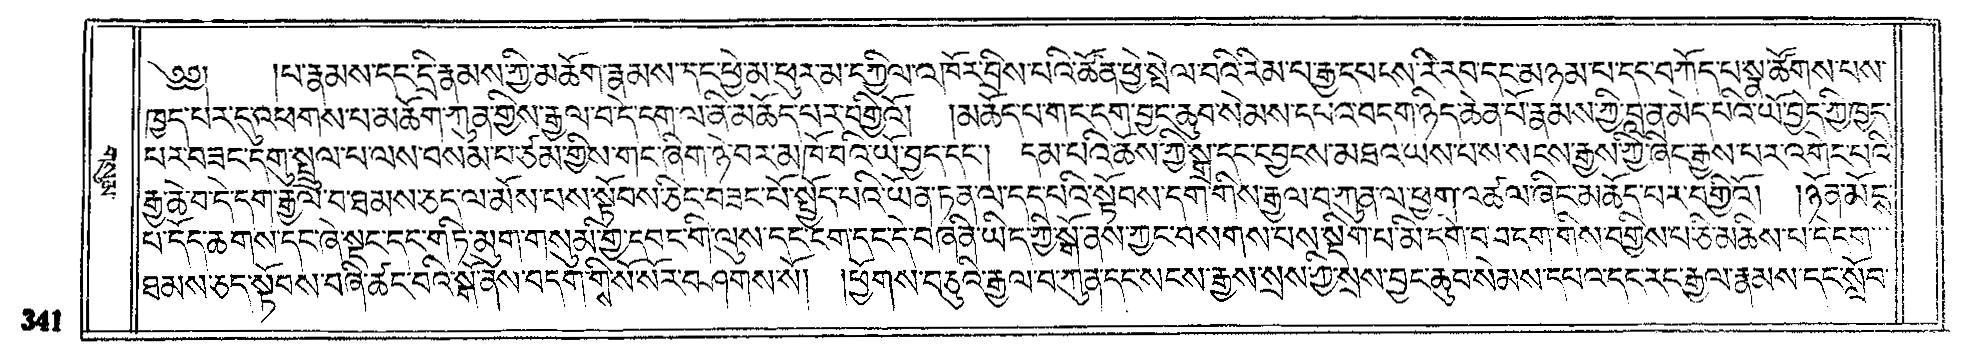༄༅། །པ་རྣམས་དང་དྲི་རྣམས་ཀྱི་མཆོག་རྣམས་དང་ཕྱེ་མ་ཕུར་མ་དཀྱིལ་འཁོར་བྲིས་པའི་ཚོན་ཕྱེ་སྤེལ་བའི་རིམ་པ་རྒྱ་དཔངས་རི་རབ་དང་མཉམ་པ་དང་བཀོད་པ་སྣ་ཚོགས་པས་
ཁྱད་པར་དུ་འཕགས་པ་མཆོག་ཀུན་གྱིས་རྒྱལ་བ་དེ་དག་ལ་ནི་མཆོད་པར་བགྱིའོ། །མཆོད་པ་གང་དག་བྱང་ཆུབ་སེམས་དཔའ་བདག་ཉིད་ཆེན་པོ་རྣམས་ཀྱི་བླ་ན་མེད་པའི་ཡོ་བྱེད་ཀྱི་ཁྱད་
པར་བཟང་དགུ་སྤྲུལ་པ་ལས་བསམ་པ་ཙམ་གྱིས་གང་ཞིག་ཉེ་བར་མཁོ་བའི་ཡོ་བྱད་དང་། དམ་པའི་ཆོས་ཀྱི་སྒྲ་དང་དབྱངས་མཐའ་ཡས་པ་ས་སངས་རྒྱས་ཀྱི་ཞིང་རྒྱས་པར་འགེང་པའི་
རྒྱ་ཆེ་བ་དེ་དག་རྒྱལ་བ་ཐམས་ཅད་ལ་མོས་པས་སྟོབས་ཅིང་བཟང་པོ་སྤྱོད་པའི་ཡོན་ཏན་ལ་དད་པའི་སྟོབས་དག་གིས་རྒྱལ་བ་ཀུན་ལ་ཕྱག་འཚལ་ཞིང་མཆོད་པར་བགྱིའོ། །ཉོན་མོངས་
པ་དོད་ཆགས་དང་ཞེ་སྡང་དང་གཏི་མུག་གསུམ་གྱི་དབང་གི་ལུས་དང་ངག་དང་དེ་བཞིན་ཡིད་ཀྱི་སྒོ་ནས་ཀྱང་བསགས་པས་སྡིག་པ་མི་དགེ་པ་བདག་གིས་བགྱིས་པ་ཅི་མཆིས་པ་དེ་དག་
ཐམས་ཅད་སྟོབས་བཞི་ཚང་བའི་སྒོ་ནས་བདག་གིས་སོ་སོར་བཤགས་སོ། །ཕྱོགས་བཅུའི་རྒྱལ་བ་ཀུན་དང་སངས་རྒྱས་སྲས་ཀྱི་སྲས་བྱང་ཆུབ་སེམས་དཔའ་དང་རང་རྒྱལ་རྣམས་དང་སློབ་